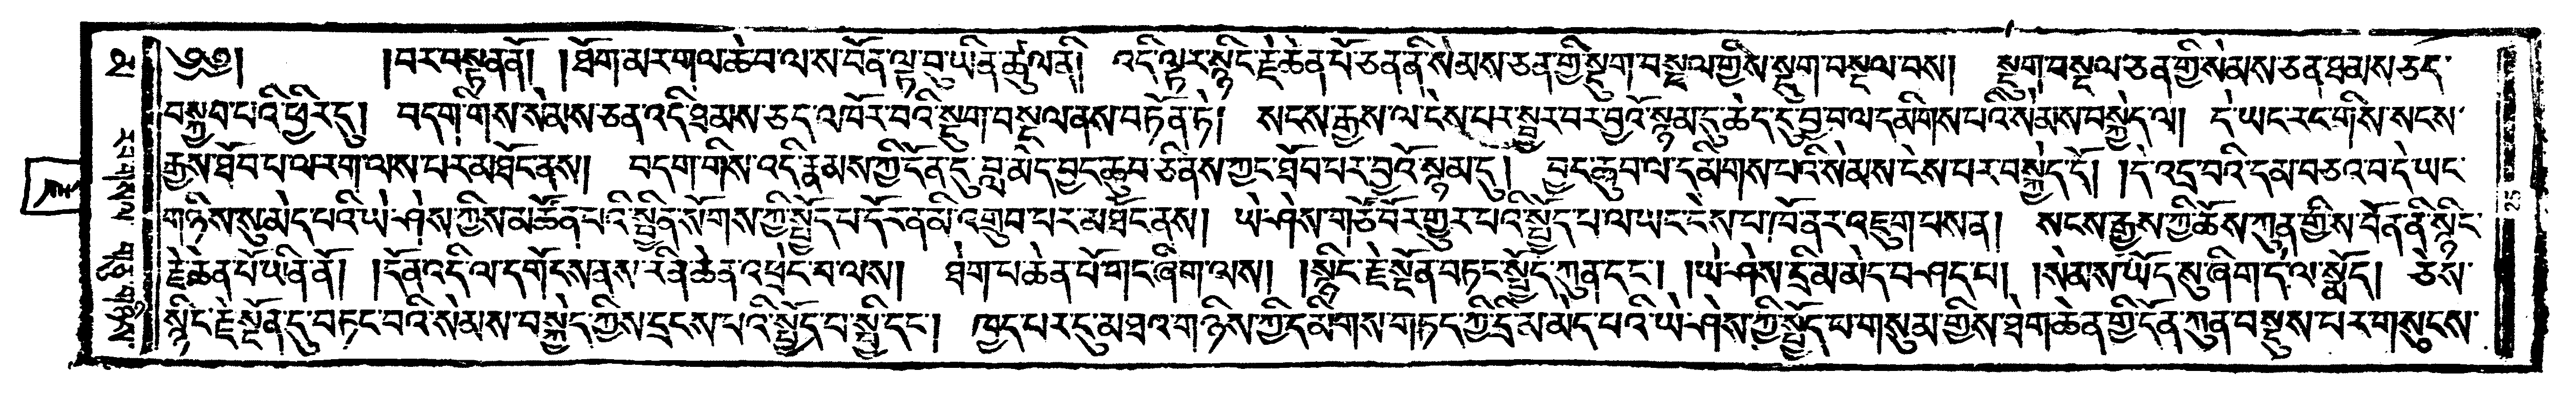༄༅། །བར་བསྟན་ནོ། །ཐོག་མར་གལ་ཆེ་བ་ལ་ས་བོན་ལྟ་བུ་ཡིན་ཚུལ་ནི། འདི་ལྟར་སྙིང་རྗེ་ཆེན་པོ་ཅན་ནི་སེམས་ཅན་གྱི་སྡུག་བསྔལ་གྱིས་སྡུག་བསྔལ་བས། སྡུག་བསྔལ་ཅན་གྱི་སེམས་ཅན་ཐམས་ཅད་
བསྐྱབ་པའི་ཕྱིར་དུ། བདག་གིས་སེམས་ཅན་འདི་ཐམས་ཅད་འཁོར་བའི་སྡུག་བསྔལ་ནས་བཏོན་ཏེ། སངས་རྒྱས་ལ་ངེས་པར་སྦྱར་བར་བྱའོ་སྙམ་དུ་ཆེད་དུ་བྱ་བ་ལ་དམིགས་པའི་སེམས་བསྐྱེད་ལ། དེ་ཡང་རང་གིས་སངས་
རྒྱས་ཐོབ་པ་ལ་རག་ལས་པར་མཐོང་ནས། བདག་གིས་འདི་རྣམས་ཀྱི་དོན་དུ་བླ་མེད་བྱང་ཆུབ་ཅི་ནས་ཀྱང་ཐོབ་པར་བྱའོ་སྙམ་དུ། བྱང་ཆུབ་ལ་དམིགས་པའི་སེམས་ངེས་པར་བསྐྱེད་དོ། །དེ་འདྲ་བའི་དམ་བཅའ་བ་དེ་ཡང་
གཉིས་སུ་མེད་པའི་ཡེ་ཤེས་ཀྱིས་མཚོན་པའི་སྦྱིན་སོགས་ཀྱི་སྤྱོད་པ་དོར་ན་མི་འགྲུབ་པར་མཐོང་ནས། ཡེ་ཤེས་གཙོ་བོར་གྱུར་པའི་སྤྱོད་པ་ལ་ཡང་ངེས་པ་ཁོ་ནར་འཇུག་པས་ན། སངས་རྒྱས་ཀྱི་ཆོས་ཀུན་གྱི་ས་བོན་ནི་སྙིང་
རྗེ་ཆེན་པོ་ཡིན་ནོ། །དོན་འདི་ལ་དགོངས་ནས་རིན་ཆེན་འཕྲེང་བ་ལས། ཐེག་པ་ཆེན་པོ་གང་ཞིག་ལས། །སྙིང་རྗེ་སྔོན་བཏང་སྤྱོད་ཀུན་དང་། །ཡེ་ཤེས་དྲི་མ་མེད་བཤད་པ། །སེམས་ཡོད་སུ་ཞིག་དེ་ལ་སྨོད། ཅེས་
སྙིང་རྗེ་སྔོན་དུ་བཏང་བའི་སེམས་བསྐྱེད་ཀྱིས་དྲངས་པའི་སྤྱོད་པ་སྤྱི་དང་། ཁྱད་པར་དུ་མཐའ་གཉིས་ཀྱི་དམིགས་གཏད་ཀྱི་དྲི་མ་མེད་པའི་ཡེ་ཤེས་ཀྱི་སྤྱོད་པ་གསུམ་གྱིས་ཐེག་ཆེན་གྱི་དོན་ཀུན་བསྡུས་པར་གསུངས་